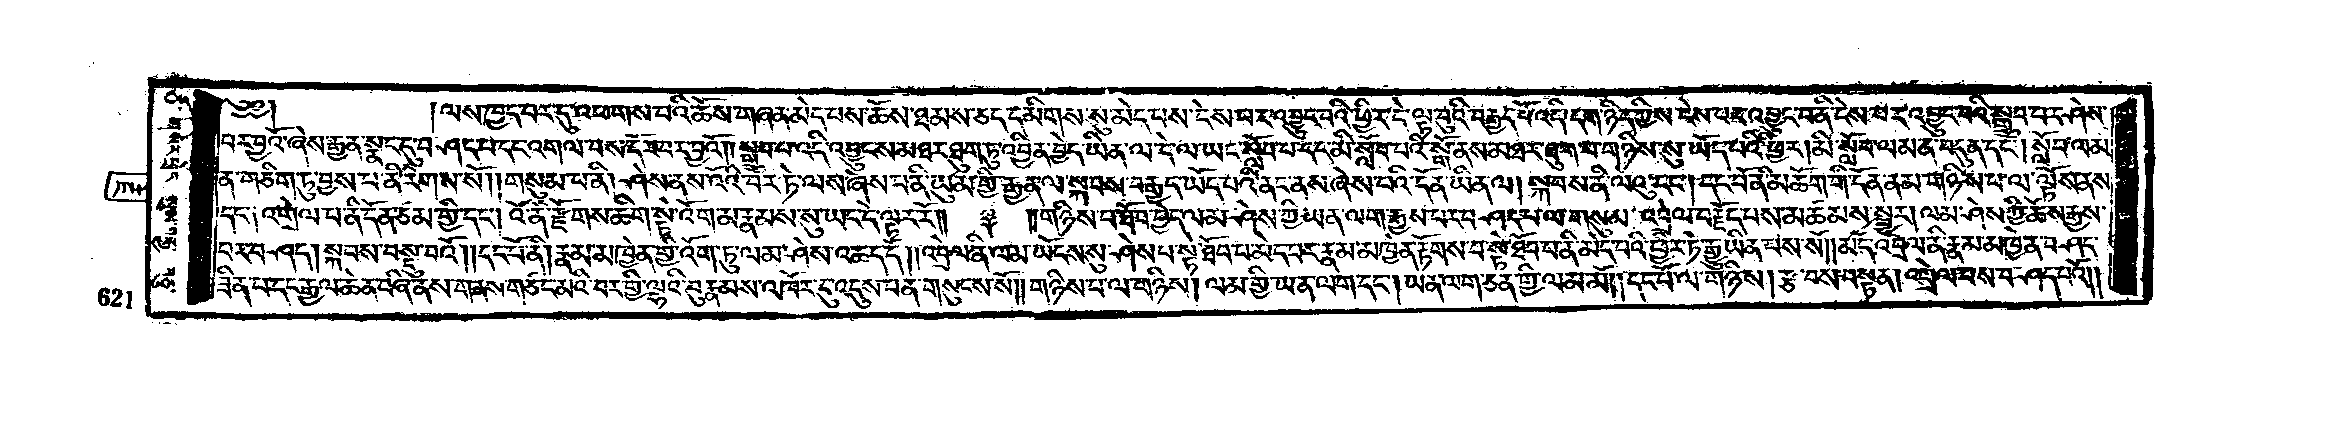༄༅། །ལས་ཁྱད་པར་དུ་འཕགས་པའི་ཆོས་གཞན་མེད་པས་ཆོས་ཐམས་ཅད་དམིགས་སུ་མེད་པས་ངེས་པར་འབྱུང་བའི་ཕྱིར་དེ་ལྟ་བུའི་བརྒྱད་པོ་འདི་དག་ཉིད་ཀྱིས་ངེས་པར་འབྱུང་བ་ནི་ངེས་པར་འབྱུང་བའི་སྒྲུབ་པར་ཤེས་
པར་བྱའོ་ཞེས་རྒྱན་སྣང་དུ་བཤད་པ་དང་འགལ་བས་དོར་བར་བྱའོ། །སྒྲུབ་པ་འདི་འབྱུང་ས་མཐར་ཐུག་ཏུ་འབྱིན་བྱེད་ཡིན་ལ་དེ་ལ་ཡང་སློབ་པ་དང་མི་སློབ་པའི་སྒོ་ནས་མཐར་ཐུག་པ་གཉིས་སུ་ཡོད་པའི་ཕྱིར། མི་སློབ་ལམ་ན་བདུན་དང་། སློབ་ལམ་
ན་གཅིག་ཏུ་བྱས་པ་ནི་རིགས་སོ། །གསུམ་པ་ནི། ཤེས་ནས་འོའི་བར་ཏེ་ལས་ཞེས་པ་ནི་ཡུམ་གྱི་རྒྱན་ལ་སྐབས་བརྒྱད་ཡོད་པའི་ནང་ནས་ཞེས་པའི་དོན་ཡིན་ལ། སྐབས་ནི་ལེའུ་དང་། དང་པོ་ནི་མཆོག་གི་དོན་ནམ་གཉིས་པ་ལ་ལྟོས་ནས་
དང་། འགྲེལ་པ་ནི་དོན་ཙམ་གྱི་དང་། འོ་ནི་རྫོགས་ཚིག་སྟེ་འོག་མ་རྣམས་སུ་ཡང་དེ་ལྟར་རོ།། ༈ །།གཉིས་པ་ཐོབ་བྱེད་ལམ་ཤེས་ཀྱི་ཡན་ལག་རྒྱས་པར་བཤད་པ་ལ་གསུམ། འབྲེལ་བརྗོད་པས་མཚམས་སྦྱར། ལམ་ཤེས་ཀྱི་ཆོས་རྒྱས་
པར་བཤད། སྐབས་བསྡུས་བའོ། །དང་པོ་ནི། རྣམ་མཁྱེན་གྱི་འོག་ཏུ་ལམ་ཤེས་འཆད་དོ། །འབྲེལ་ནི་ལམ་ཡོངས་སུ་ཤེས་པ་སྟེ་ཐོབ་པ་མེད་པར་རྣམ་མཁྱེན་རྟོགས་པ་སྟེ་ཐོབ་པ་ནི་མེད་པའི་ཕྱིར་ཏེ་རྒྱུ་ཡིན་པས་སོ། །མདོ་འབྲེལ་ནི་རྣམ་མཁྱེན་བཤད་
ཟིན་པ་དང་རྒྱལ་ཆེན་བཞི་ནས་གནས་གཙང་མའི་བར་གྱི་ལྷའི་བུ་རྣམས་འཁོར་དུ་འདུས་པ་ན་གསུངས་སོ། །གཉིས་པ་ལ་གཉིས། ལམ་གྱི་ཡན་ལག་དང་། ཡན་ལག་ཅན་གྱི་ལམ་མོ། །དང་པོ་ལ་གཉིས། རྩ་བས་བསྟན། འགྲེལ་བས་བཤད་པའོ། །